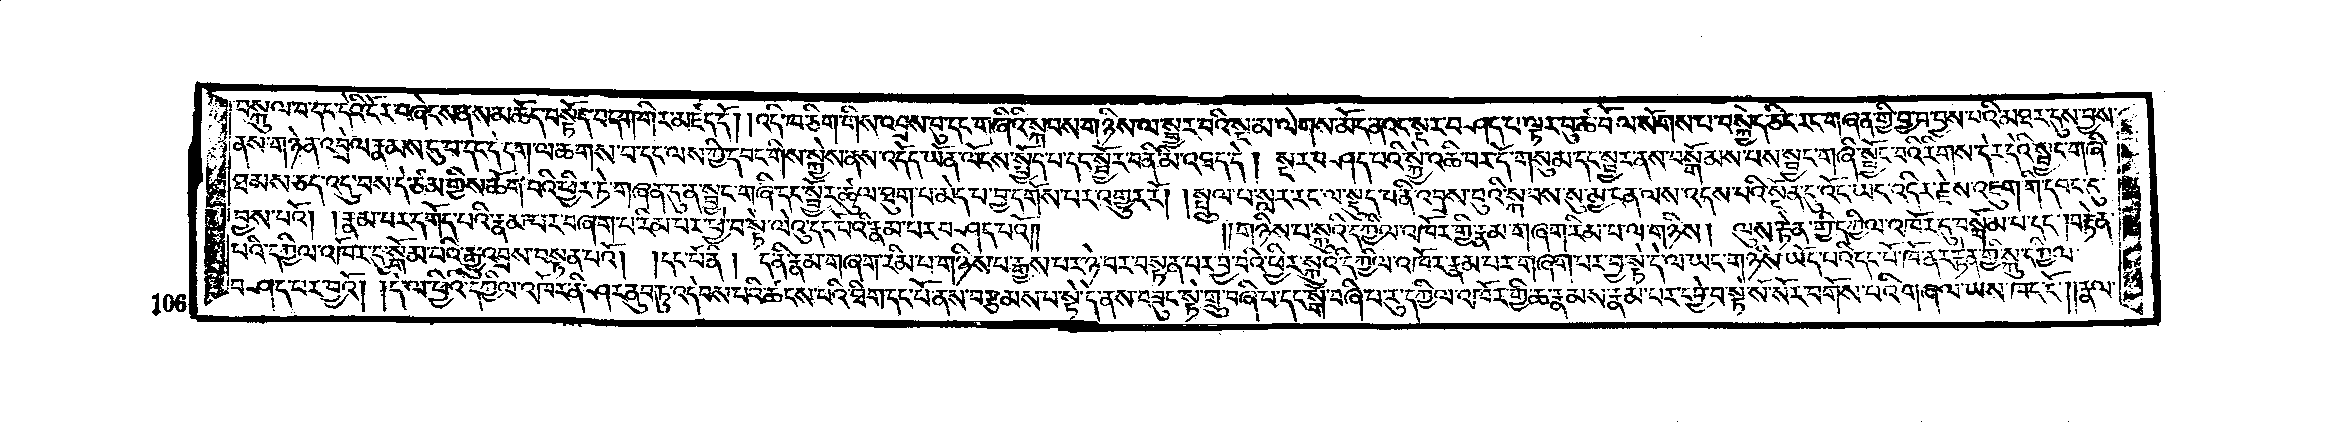བསྐུལ་བ་དང་དེའི་ངོར་བཞེངས་ནས་མཆོད་བསྟོད་བདག་གིར་མཛད་དོ། །འདི་ཁ་ཅིག་གིས་འབྲས་བུ་དང་གཞིའི་སྐབས་གཉིས་ལ་སྦྱར་བའི་སྔ་མ་ལེགས་མོད་ནའང་སྔར་བཤད་པ་ལྟར་བུ་ཚ་བོ་ལ་སོགས་པ་བསྐྱེད་ཅིང་རང་གཞན་གྱི་བྱ་བ་བྱས་པའི་མཐར་དུས་བྱས་
ནས་གཉེན་འབྲེལ་རྣམས་དུ་བ་དང་དེ་དག་ལ་ཆགས་པ་དང་ལས་ཀྱི་དབང་གིས་སྐྱེས་ནས་འདོད་ཡོན་ལོངས་སྤྱོད་པ་དང་སྦྱོར་བ་ནི་མི་འཐད་དེ། སྔར་བཤད་པའི་སྐྱེ་འཆི་བར་དོ་གསུམ་དང་སྦྱར་ནས་བསྒོམས་པས་སྦྱང་གཞི་སྦྱོང་བའི་རིགས་དེར་དེའི་སྦྱང་གཞི་
ཐམས་ཅད་འདུ་བས་དེ་ཙམ་གྱིས་ཆོག་པའི་ཕྱིར་ཏེ་གཞན་དུ་ན་སྦྱང་གཞི་དང་སྦྱོར་ཚུལ་ཐུག་པ་མེད་པ་བྱ་དགོས་པར་འགྱུར་རོ། །སྤྲུལ་པ་སླར་རང་ལ་སྡུད་པ་ནི་འབྲས་བུའི་སྐབས་སུ་མྱ་ངན་ལས་འདས་པའི་སྔོན་དུ་འོང་ཡང་འདིར་རྗེས་འཇུག་གི་དབང་དུ་
བྱས་པའོ། །རྣམ་པར་དགོད་པའི་རྣམ་པར་བཞག་པ་རིམ་པར་ཕྱེ་བ་སྟེ་ལེའུ་དང་པོའི་རྣམ་པར་བཤད་པའོ།། །།གཉིས་པ་སྐུའི་དཀྱིལ་འཁོར་གྱི་རྣམ་གཞག་རིམ་པ་ལ་གཉིས། ལུས་རྟེན་གྱི་དཀྱིལ་འཁོར་དུ་བསྒོམ་པ་དང་། བརྟེན་
པའི་དཀྱིལ་འཁོར་དུ་སྒོམ་པའི་རྒྱུ་འབྲས་བསྟན་པའོ། །དང་པོ་ནི། དེ་ནི་རྣམ་གཞག་རིམ་པ་གཉིས་པ་རྒྱས་པར་ཉེ་བར་བསྟན་པར་བྱ་བའི་ཕྱིར་སྐུའི་དཀྱིལ་འཁོར་རྣམ་པར་གཞག་པར་བྱ་སྟེ་དེ་ལ་ཡང་གཉིས་ཡོད་པའི་དང་པོ་ཁོ་ནར་རྟེན་གྱི་སྐུ་དཀྱིལ་
བཤད་པར་བྱའོ། །དེ་ལ་ཕྱིའི་དཀྱིལ་འཁོར་ནི་ཤར་ནུབ་ཏུ་འདེབས་པའི་ཚངས་པའི་ཐིག་དང་པོ་ནས་བརྩམས་པ་སྟེ་དེ་ནས་བཟུང་སྟེ་གྲུ་བཞི་པ་དང་སྒོ་བཞི་པ་རུ་དཀྱིལ་འཁོར་གྱི་ཆ་རྣམས་རྣམ་པར་དབྱེ་བ་སྟེ་སོ་སོར་བགོས་པའི་གཞལ་ཡས་ཁང་ངོ། །རྣལ་